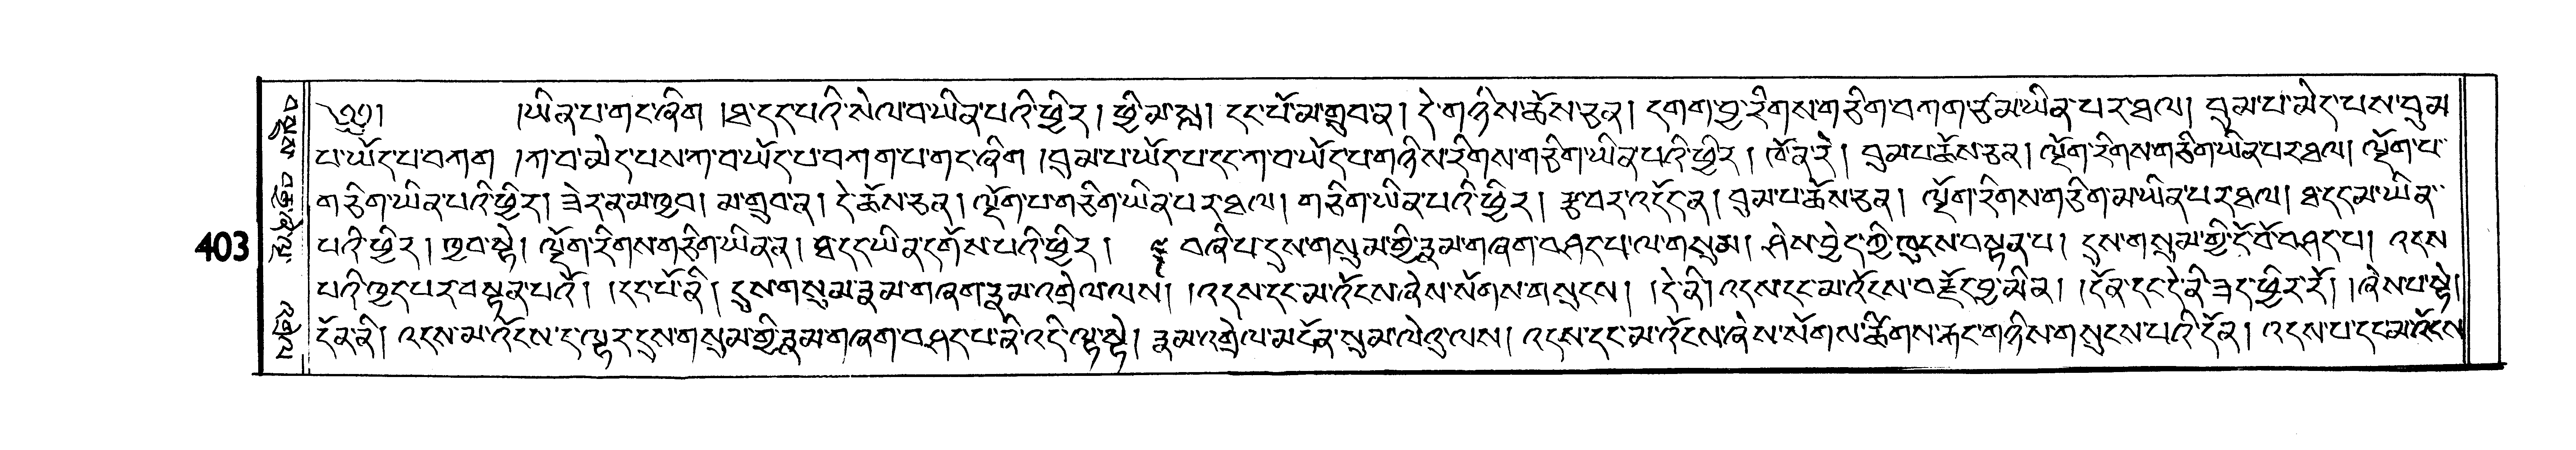༄༅། །ཡིན་པ་གང་ཞིག། ཐ་དད་པའི་སེལ་བ་ཡིན་པའི་ཕྱིར། ཕྱི་མ་སླ། དང་པོ་མ་གྲུབ་ན། དེ་གཉིས་ཆོས་ཅན། དགག་བྱ་རིགས་གཅིག་བཀག་ཙམ་ཡིན་པར་ཐལ། བུམ་པ་མེད་པས་བུམ་
པ་ཡོད་པ་བཀག །ཀ་བ་མེད་པས་ཀ་བ་ཡོད་པ་བཀག་པ་གང་ཞིག། བུམ་པ་ཡོད་པ་དང་ཀ་བ་ཡོད་པ་གཉིས་རིགས་གཅིག་ཡིན་པའི་ཕྱིར། ཁོ་ན་རེ། བུམ་པ་ཆོས་ཅན། ལྡོག་རིགས་གཅིག་ཡིན་པར་ཐལ། ལྡོག་པ་
གཅིག་ཡིན་པའི་ཕྱིར། ཟེར་ན་མ་ཁྱབ། མ་གྲུབ་ན། དེ་ཆོས་ཅན། ལྡོག་པ་གཅིག་ཡིན་པར་ཐལ། གཅིག་ཡིན་པའི་ཕྱིར། རྩ་བར་འདོད་ན། བུམ་པ་ཆོས་ཅན། ལྡོག་རིགས་གཅིག་གཅིག་མ་ཡིན་པར་ཐལ། ཐ་དད་མ་ཡིན་
པའི་ཕྱིར། ཁྱབ་པ་སྟེ། ལྡོག་རིགས་གཅིག་ཡིན་ན། ཐ་དད་ཡིན་དགོས་པའི་ཕྱིར། བཞི་དུས་གསུམ་གྱི་རྣམ་གཞག་བཤད་པ་ལ་གསུམ། ཤེས་བྱེད་ཀྱི་ཁུངས་བསྟན་པ། དུས་གསུམ་གྱི་ངོ་བོ་བཤད་པ། འདས་
པའི་ཁྱད་པར་བསྟན་པའོ། །དང་པོ་ནི། དུས་གསུམ་རྣམ་གཞག་རྣམ་འགྲེལ་ལས། །འདས་དང་མ་འོངས་ཞེས་སོགས་གསུངས། །དེ་ནི། འདས་དང་མ་འོངས་བརྗོད་བྱ་མིན། །མངོན་དང་དེ་ནི་ཟད་ཕྱིར་རོ། །ཞེས་པ་སྟེ་
དོན་ནི། འདས་མ་འོངས་ད་ལྟར་དུས་གསུམ་གྱི་རྣམ་གཞག་བཤད་པ་ནི་འདི་ལྟ་སྟེ། རྣམ་འགྲེལ་མངོན་སུམ་ལེའུ་ལས། འདས་དང་མ་འོངས་ཞེས་སོགས་ཚིགས་རྐང་གཉིས་གསུངས་པའི་དོན། འདས་པ་དང་མ་འོངས་